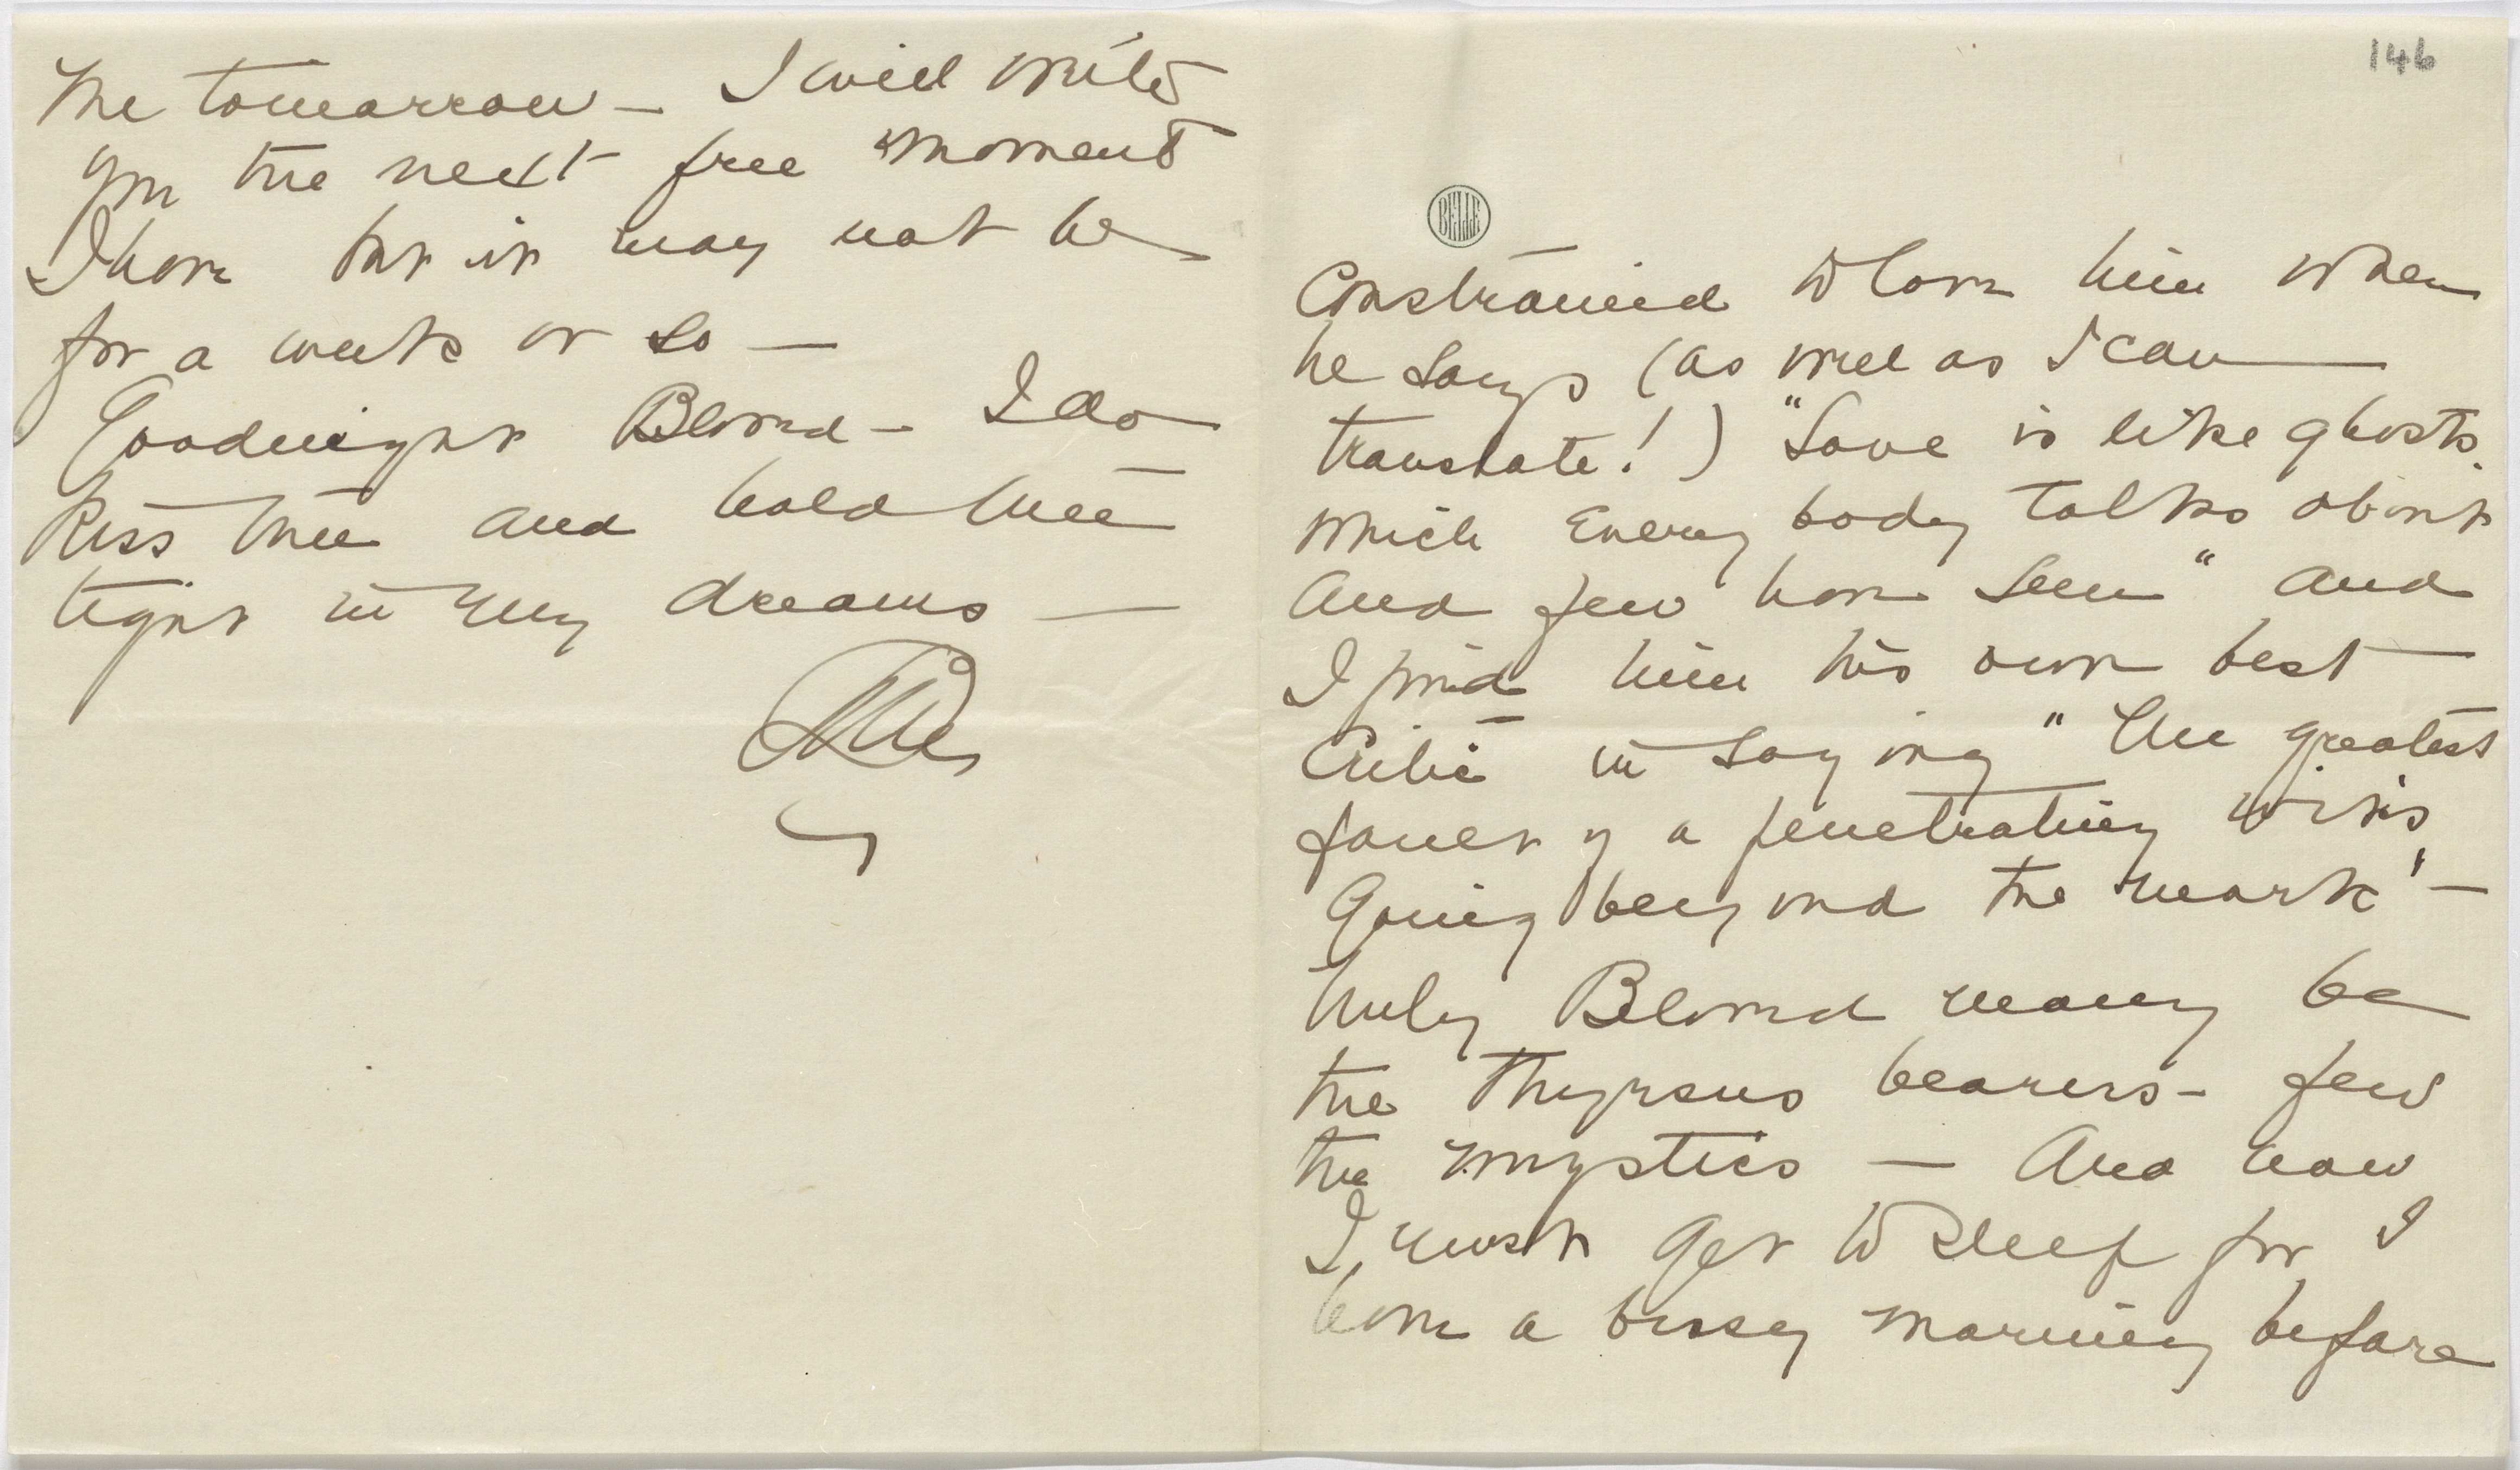constrained to love him when he says (as well as I can translate!) “Love is like ghosts, which every body talks about and few have seen” and I find him his own best critic in saying “the greatest fault of a penetrating wit’s going beyond the mark” – truly Beloved many be the Thyrsus bearers – few the mystics – And now I must get to sleep for I have a busy morning before
the tomorrow – I will write you the next free moment I have but it may not be for a week or so –
Goodnight Beloved – I do kiss thee and hold thee tight in my dreams –
Belle